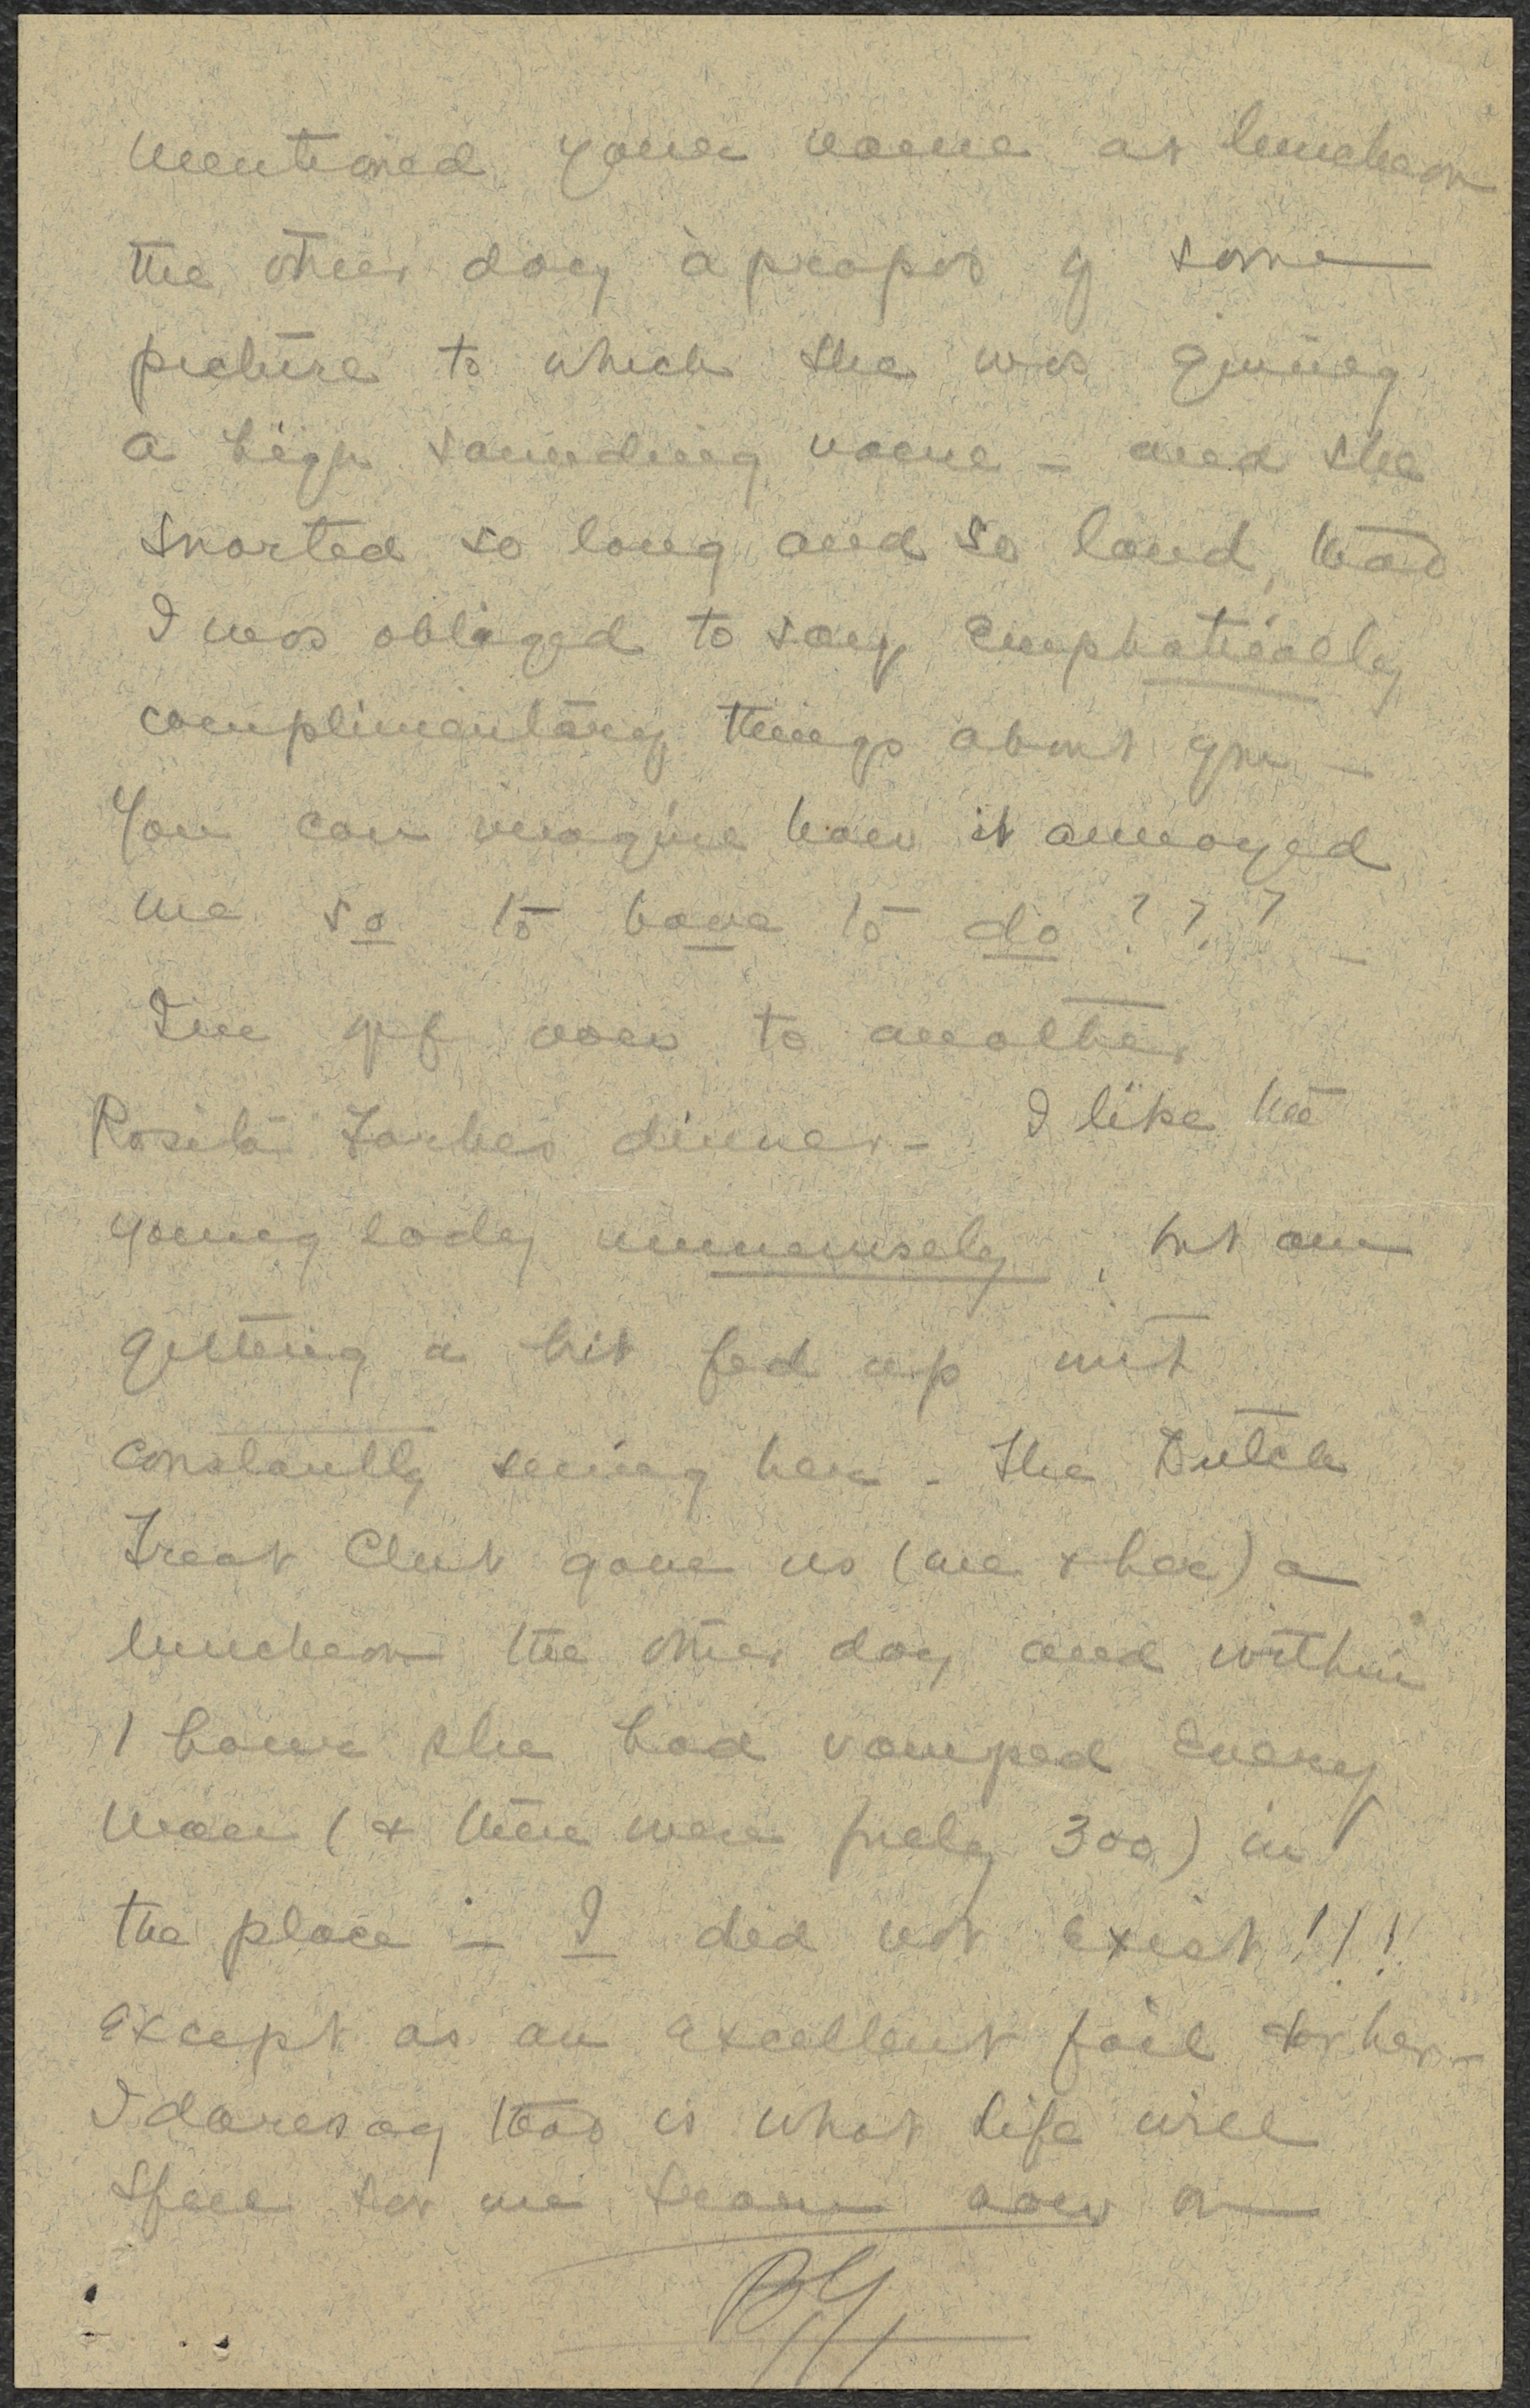mentioned your name at luncheon the other day à propos of some picture to which she was giving a high sounding name – and she snorted so long and so loud, that I was obliged to say emphatically complimentary things about you – You can imagine how it annoyed me so to have to do??? –
I'm off now to another Rosita Forbes dinner – I like the young lady immensely, but am getting a bit fed up with constantly seeing her. The Dutch Treat Club gave us (me & her) a luncheon the other day and within 1 hour she had vamped every man (& there were fully 300) in the place – I did not exist!!!! except as an excellent foil for her – I daresay that is what life will spell for me from now on
BG